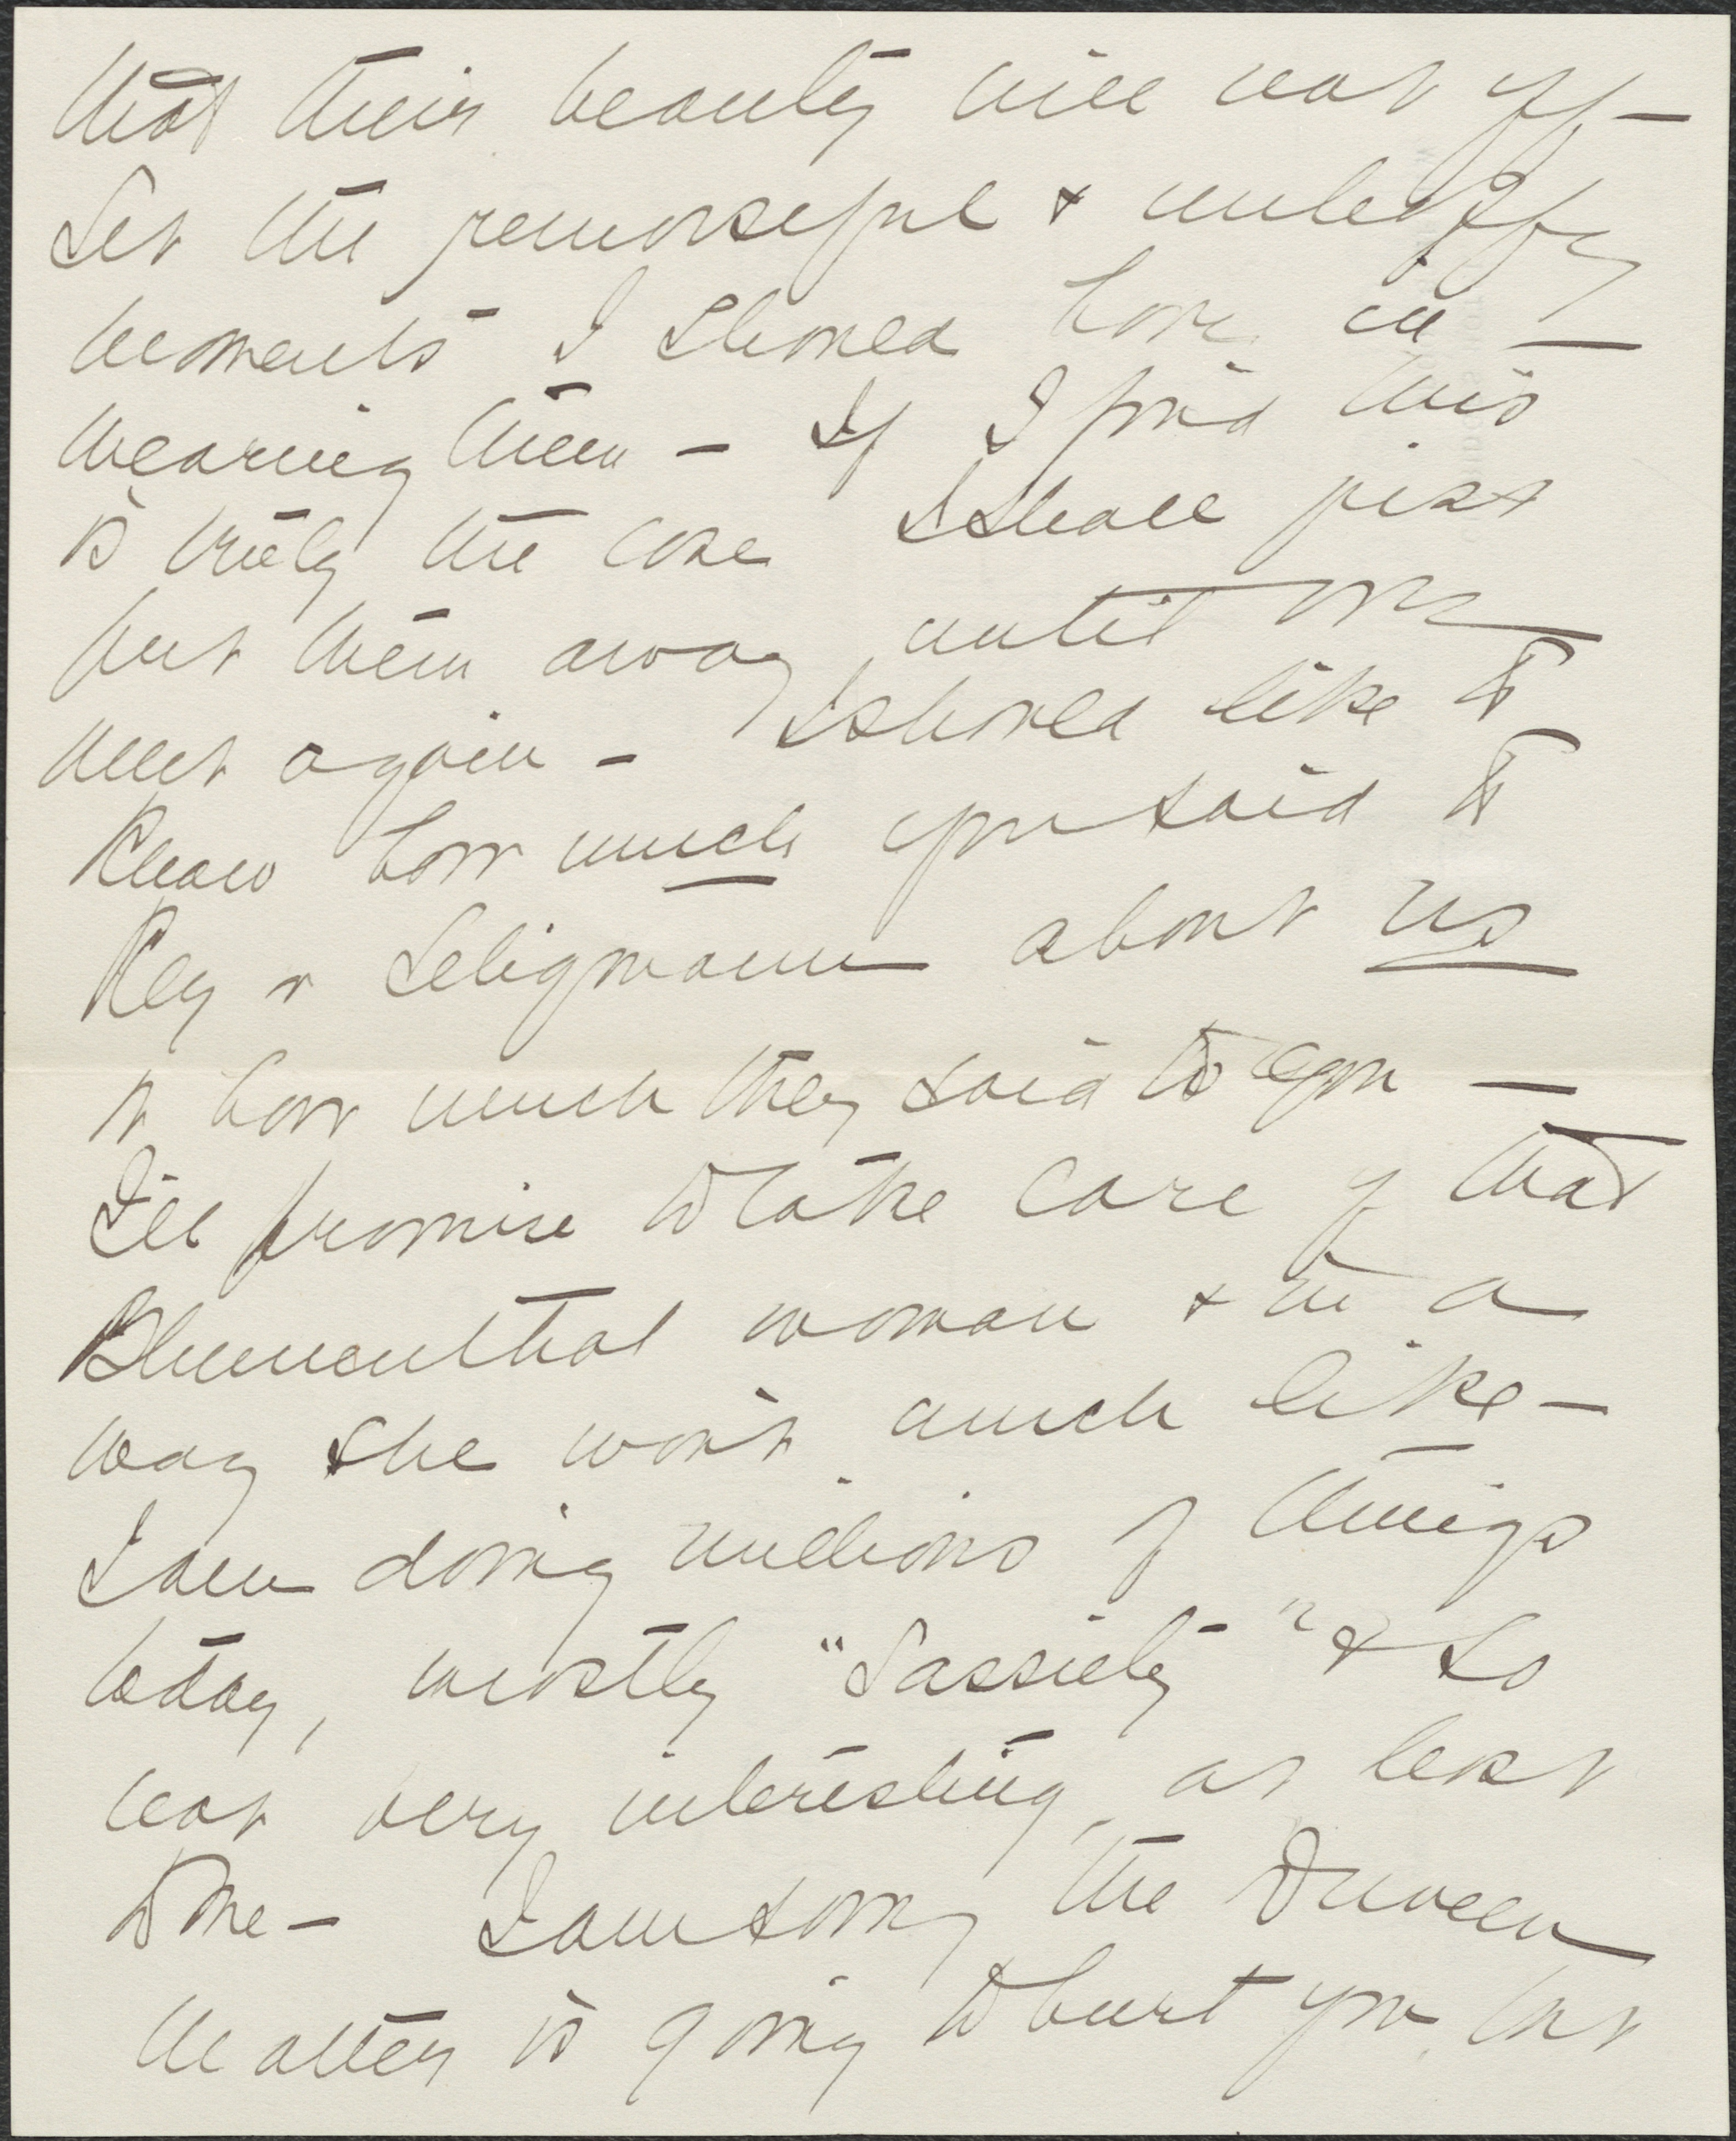that their beauty will not offset the remorseful & unhappy moments I should have in wearing them – If I find this is truly the case I shall just put them away until we meet again – I should like to know how much you said to Rey & Seligmann about us or how much they said to you – I’ll promise to take care of that Blumenthal woman & in a way she won’t much like – I am doing millions of things today, mostly “sassiety” & so not very interesting, at least to me – I am sorry the Duveen matter is going to hurt you but